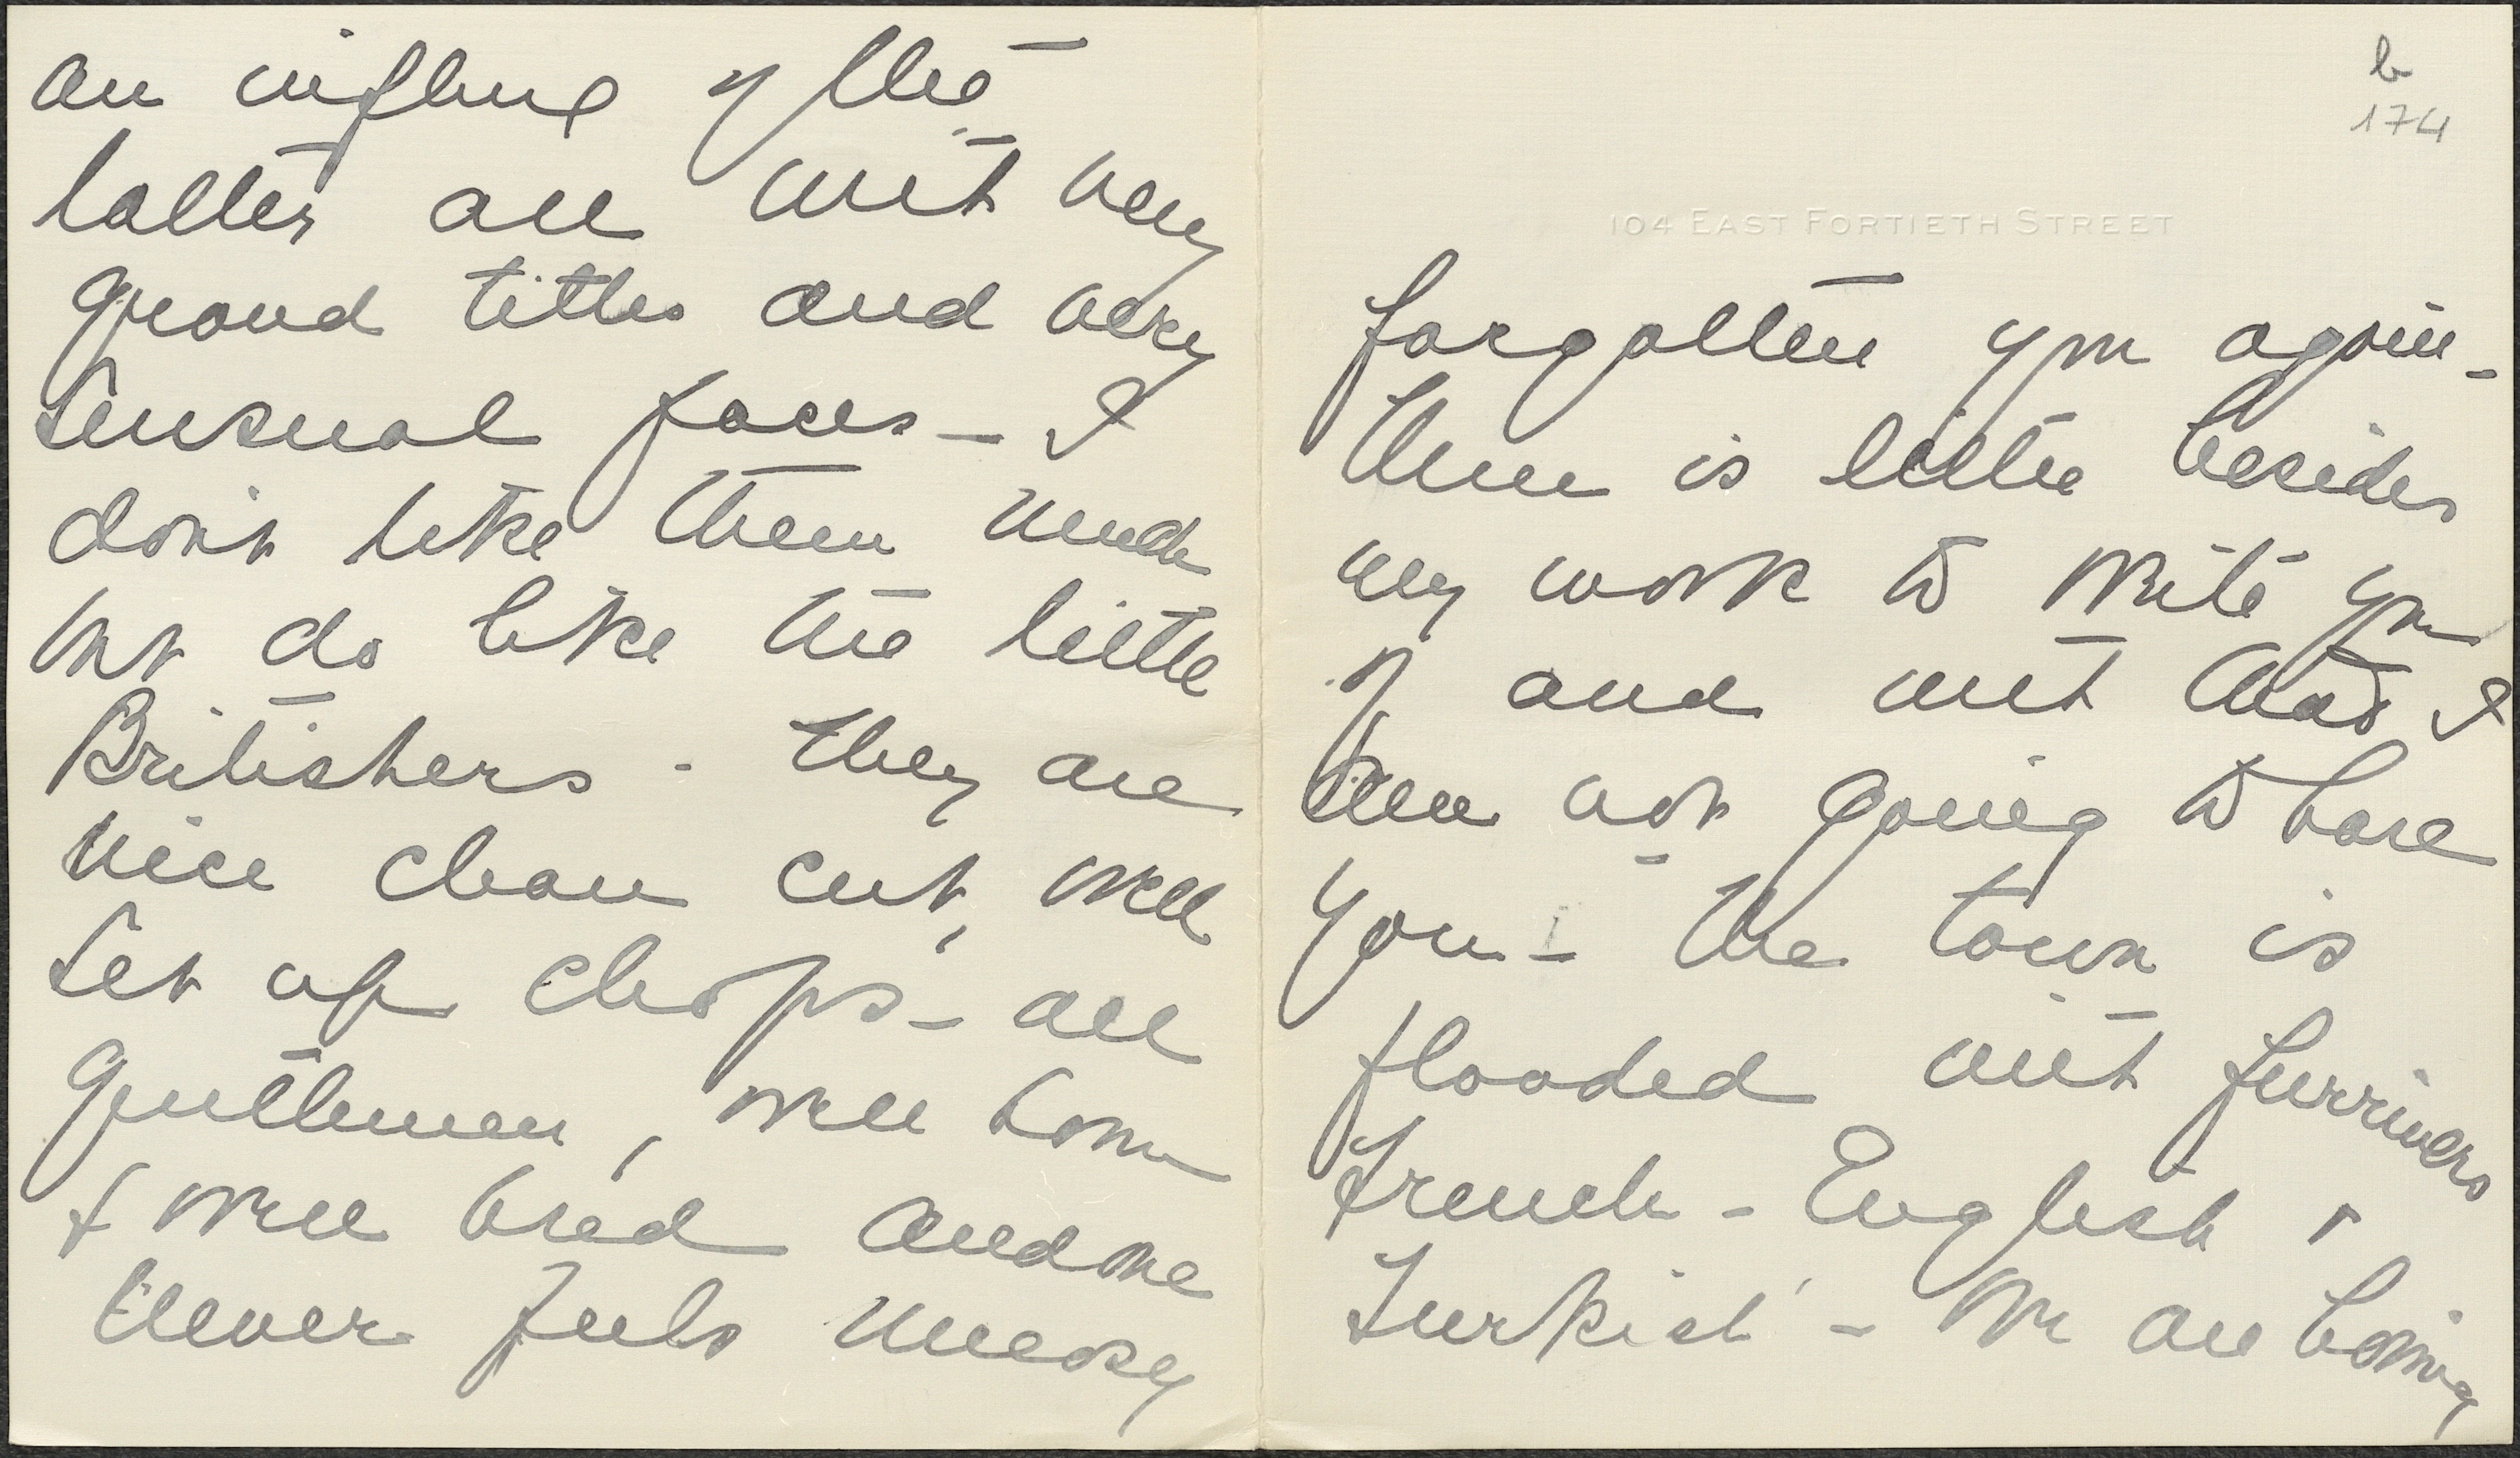forgotten you again – there is little besides my work to write you of and with that I am not going to bore you – the town is flooded with furriners French – English & Turkish – we are having
an influx of the latter all with my grand titles and very sensual faces – I don’t like them much but do like the little Britishers – they are nice clean cut, well set up chaps – all gentlemen, well born & well bred and one never feels uneasy